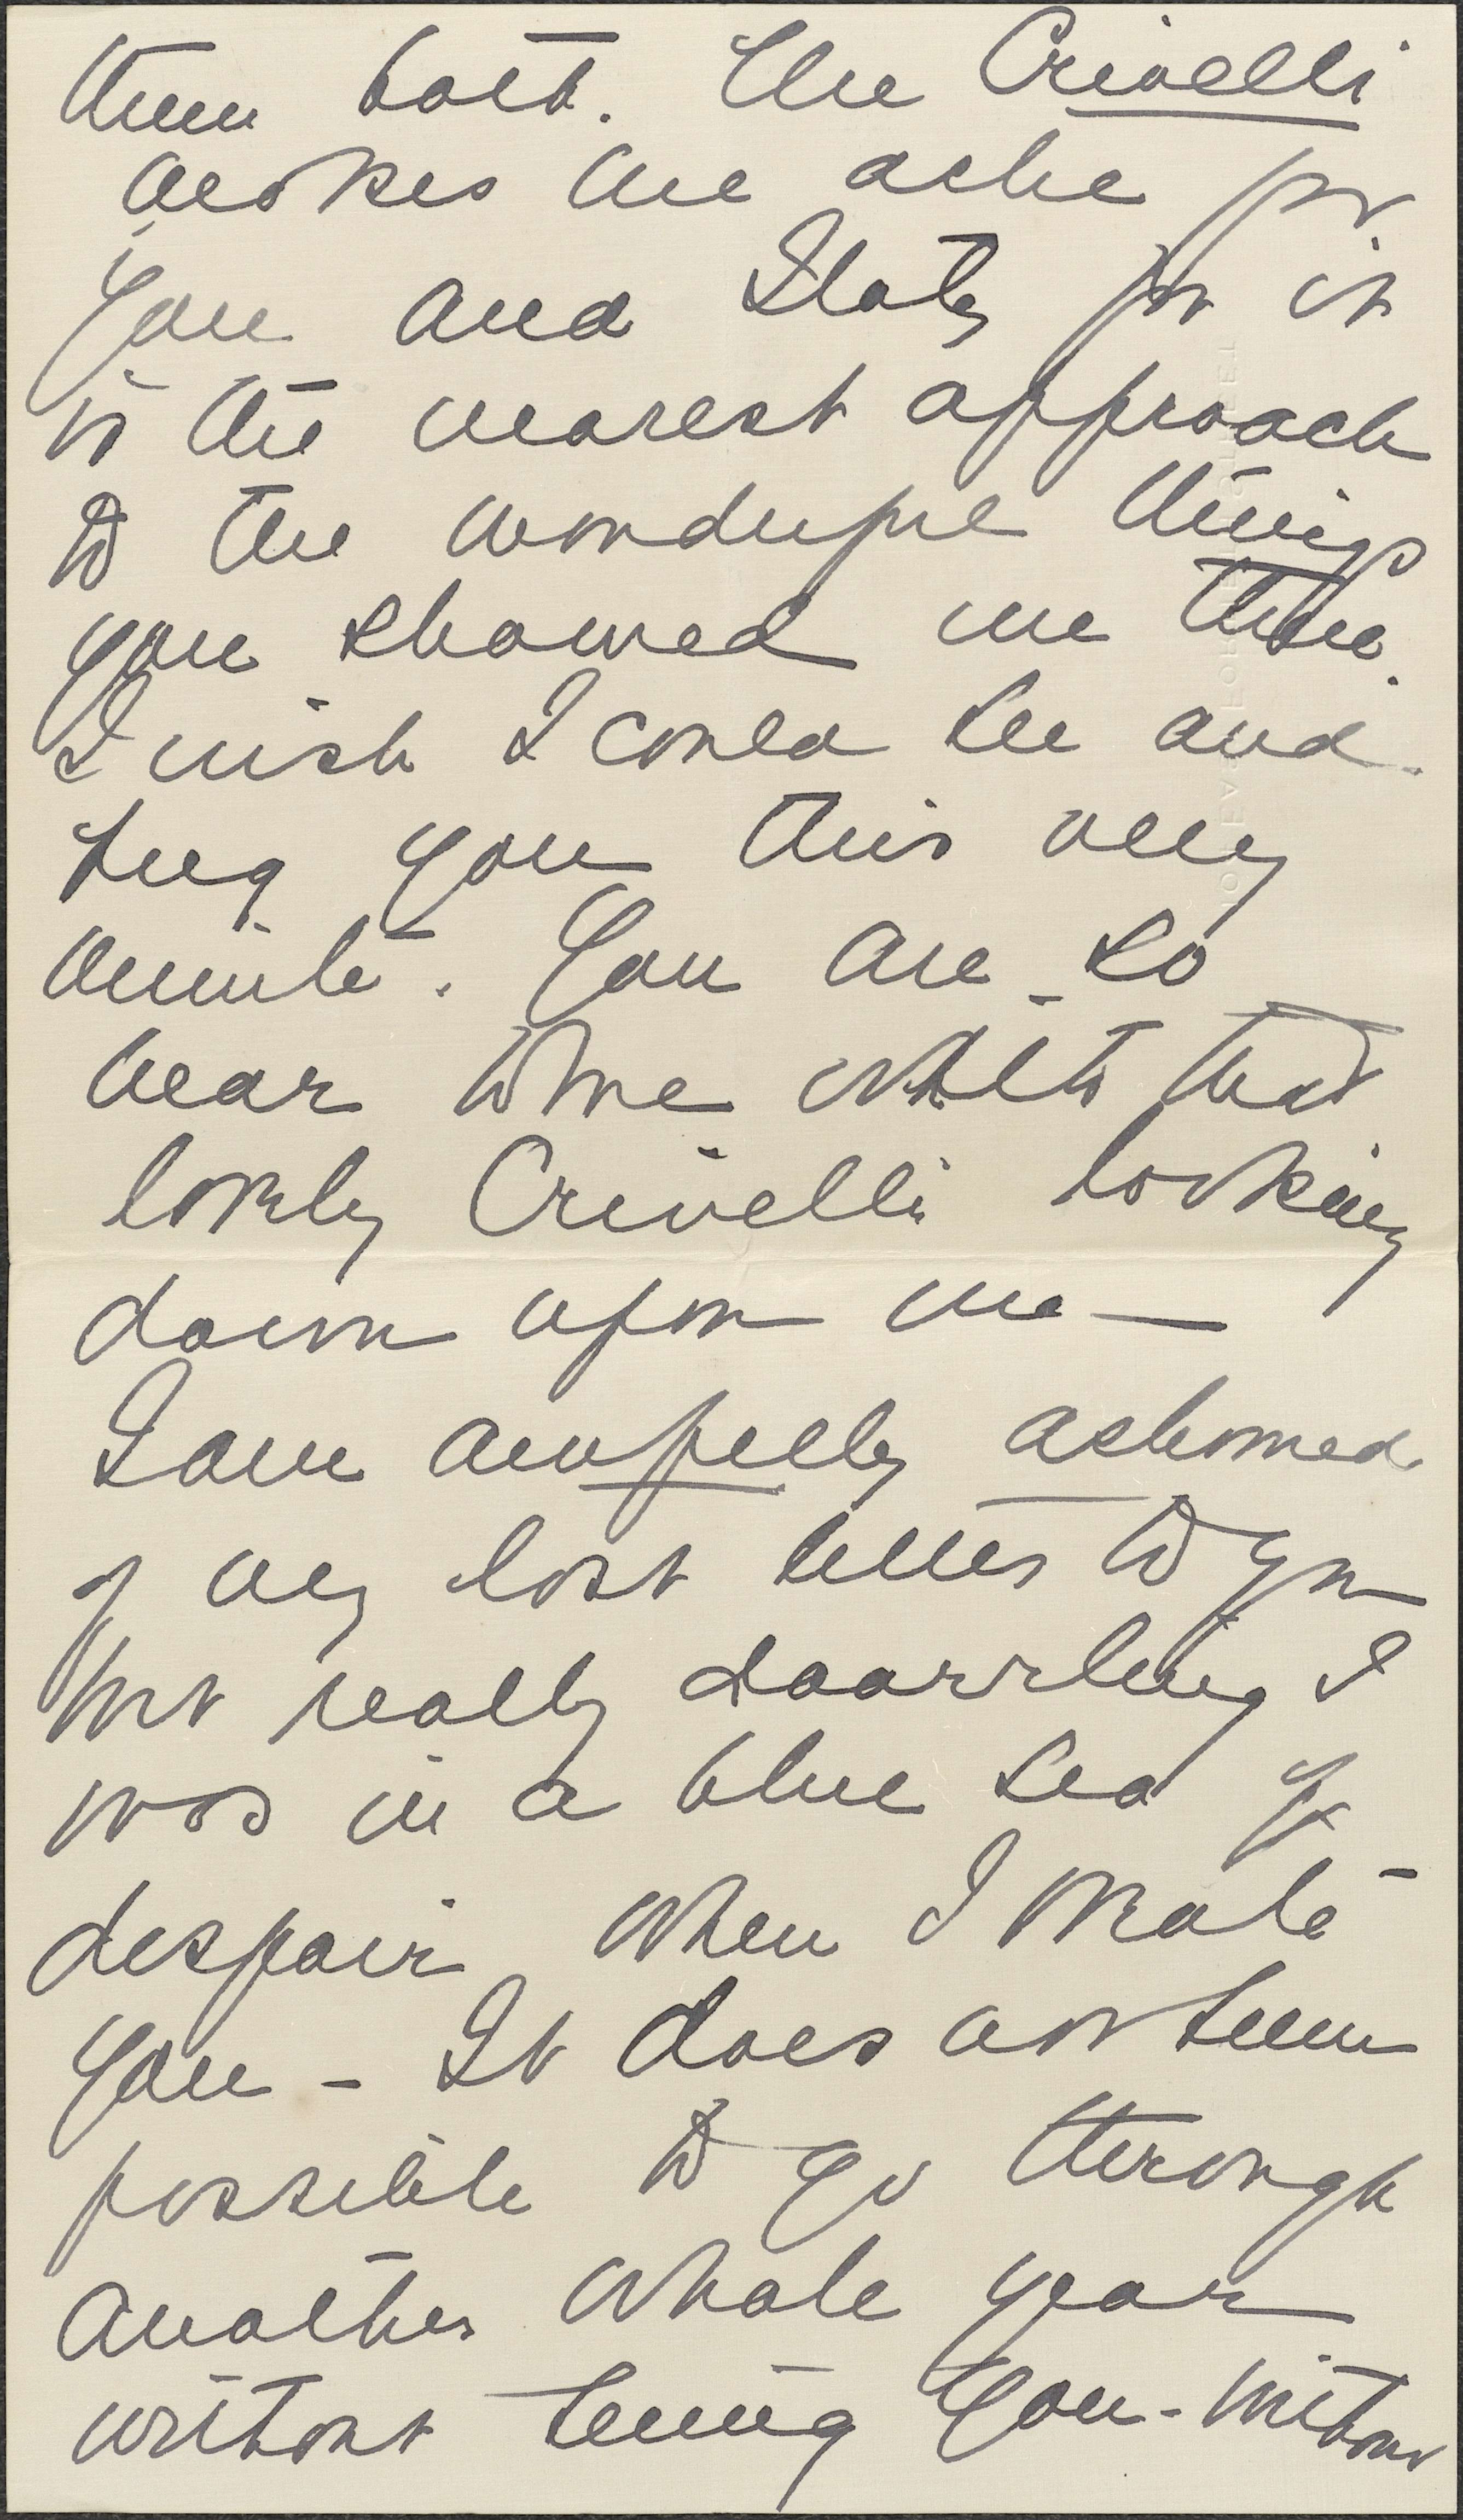them both. The Crivelli makes me ache for you and Italy for it is the nearest approach to the wonderful things you showed me there. I wish I could see and hug you this very minute. You are so near to me with that lovely Crivelli looking down upon me –
I am awfully ashamed of my last letter to you but really daarrling I was in a blue sea of despair when I wrote you – It does not seem possible to go through another whole year without seeing you – without